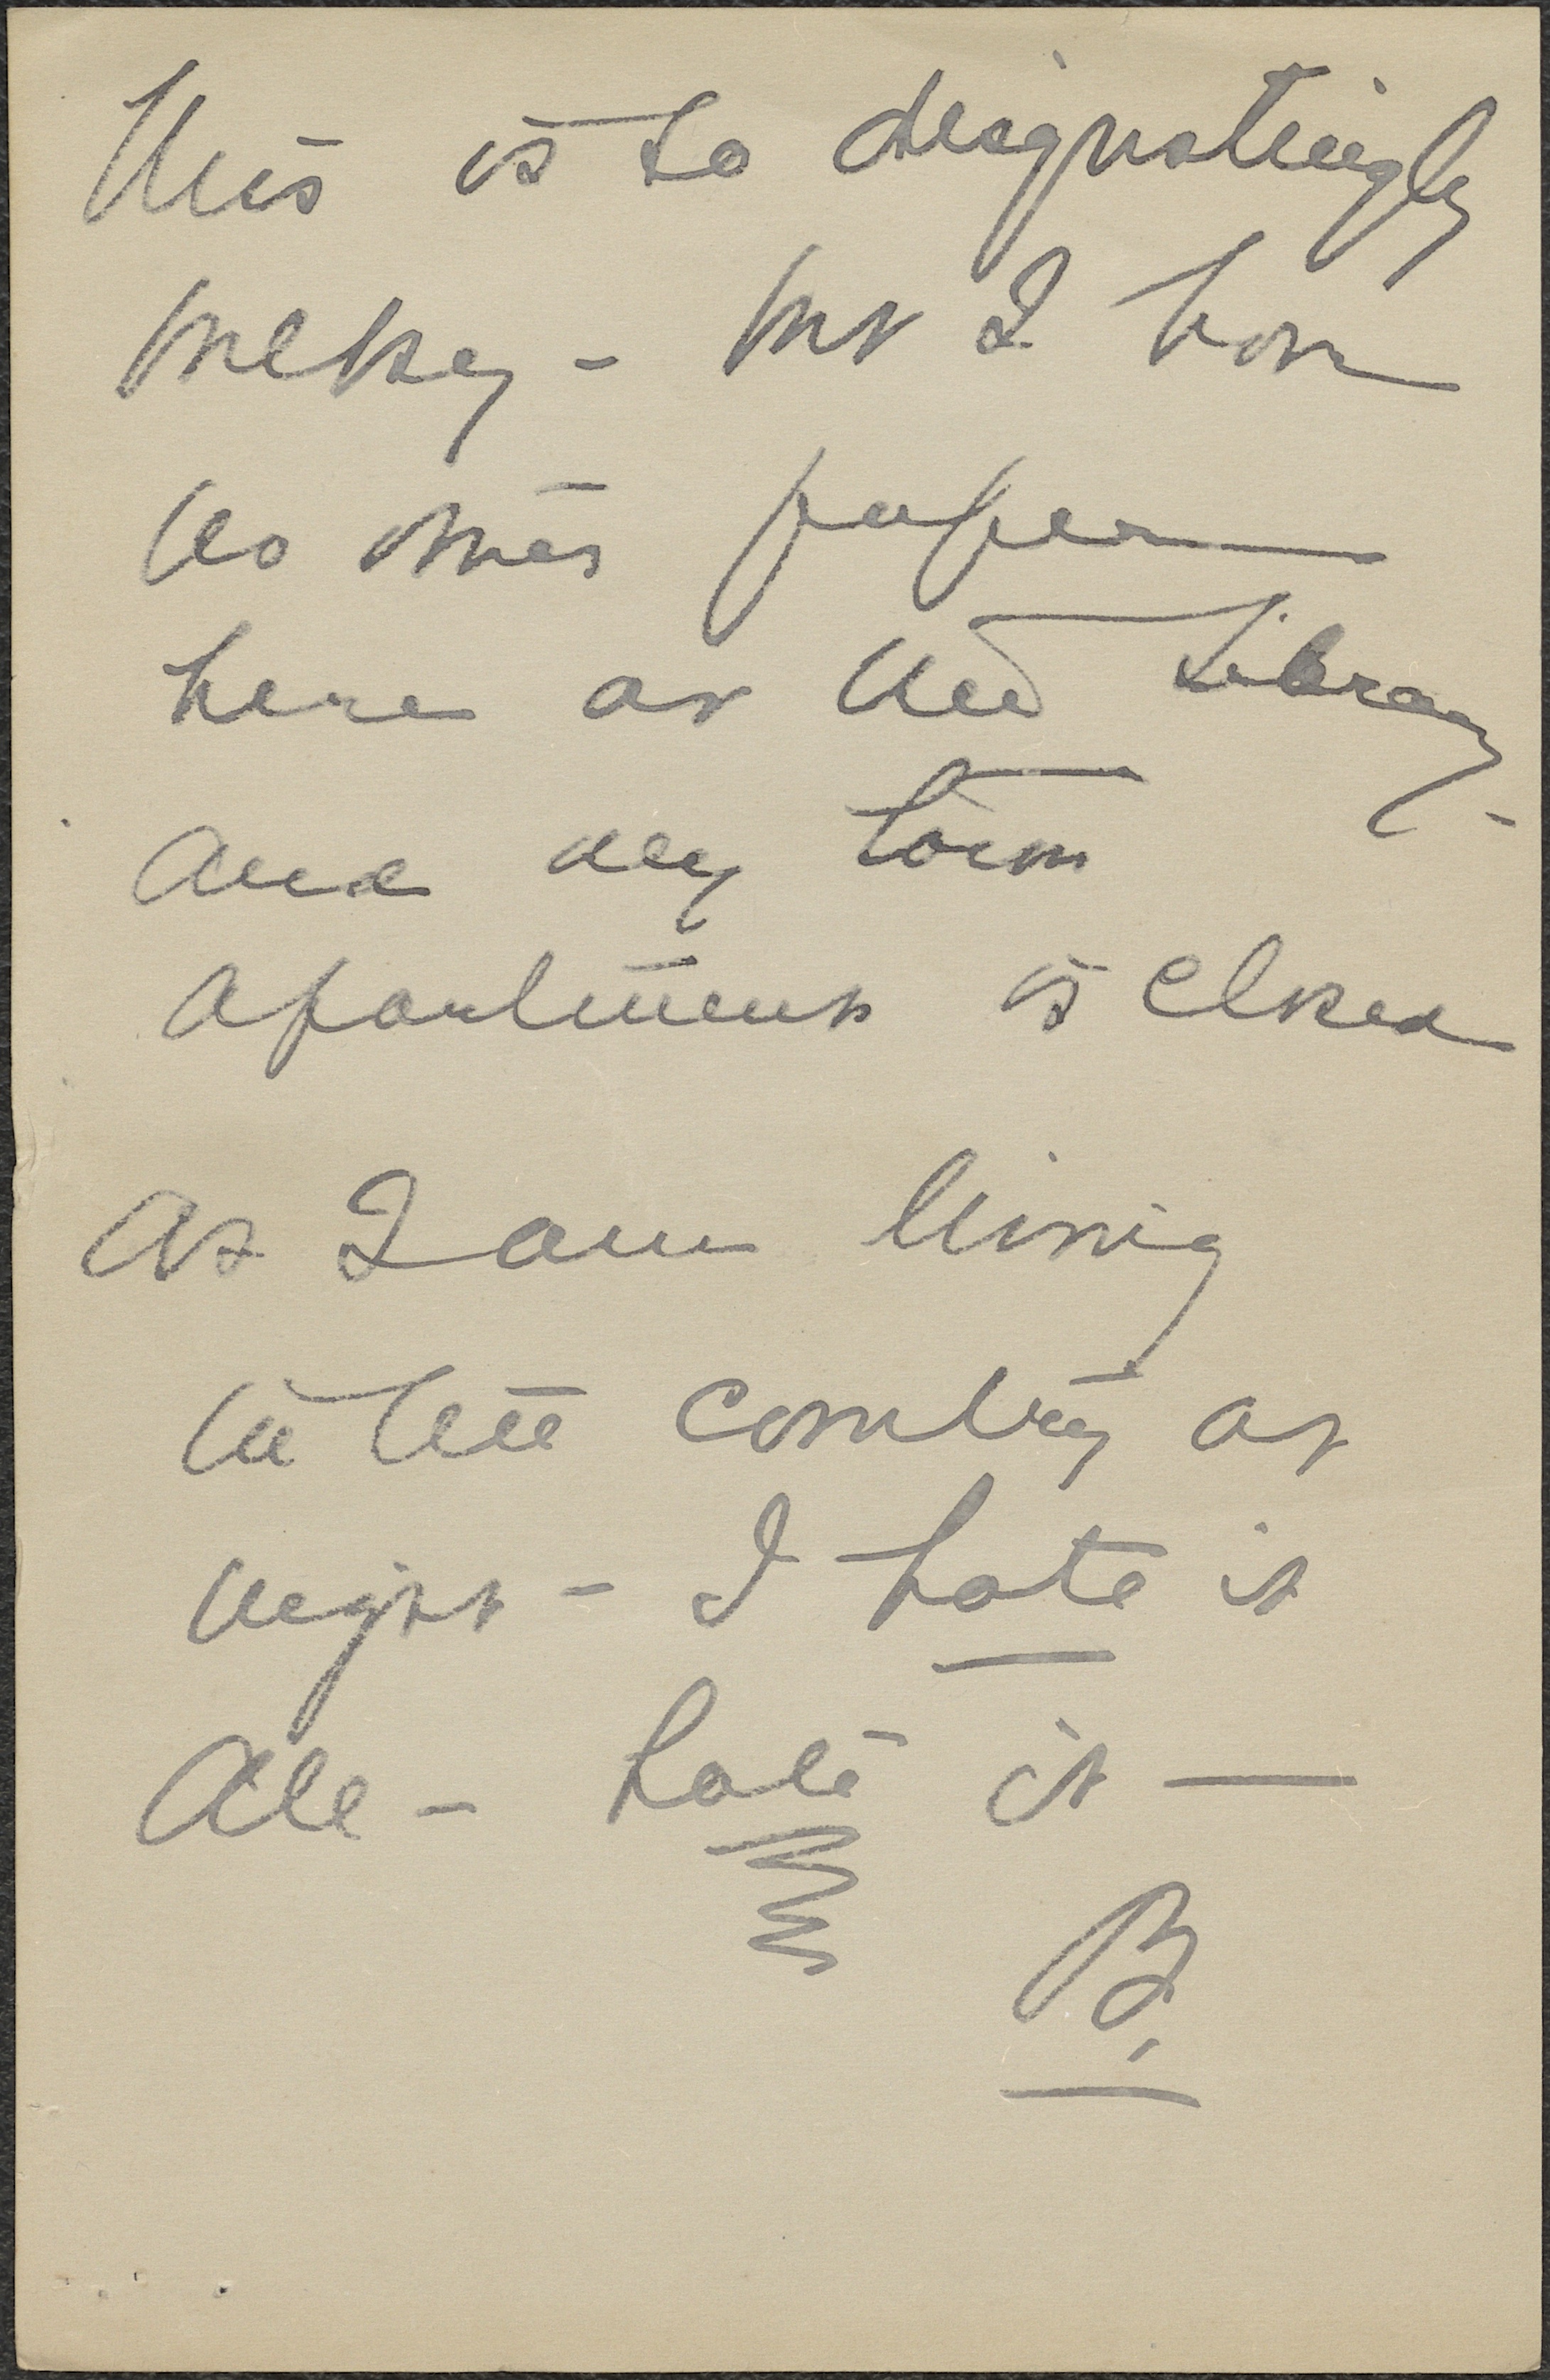This is so disgustingly messy – but I have no other paper here and no Library, and my town apartment is closed as I am living in the country at night – I hate it all – [underlined seven times: hate] it –
B.